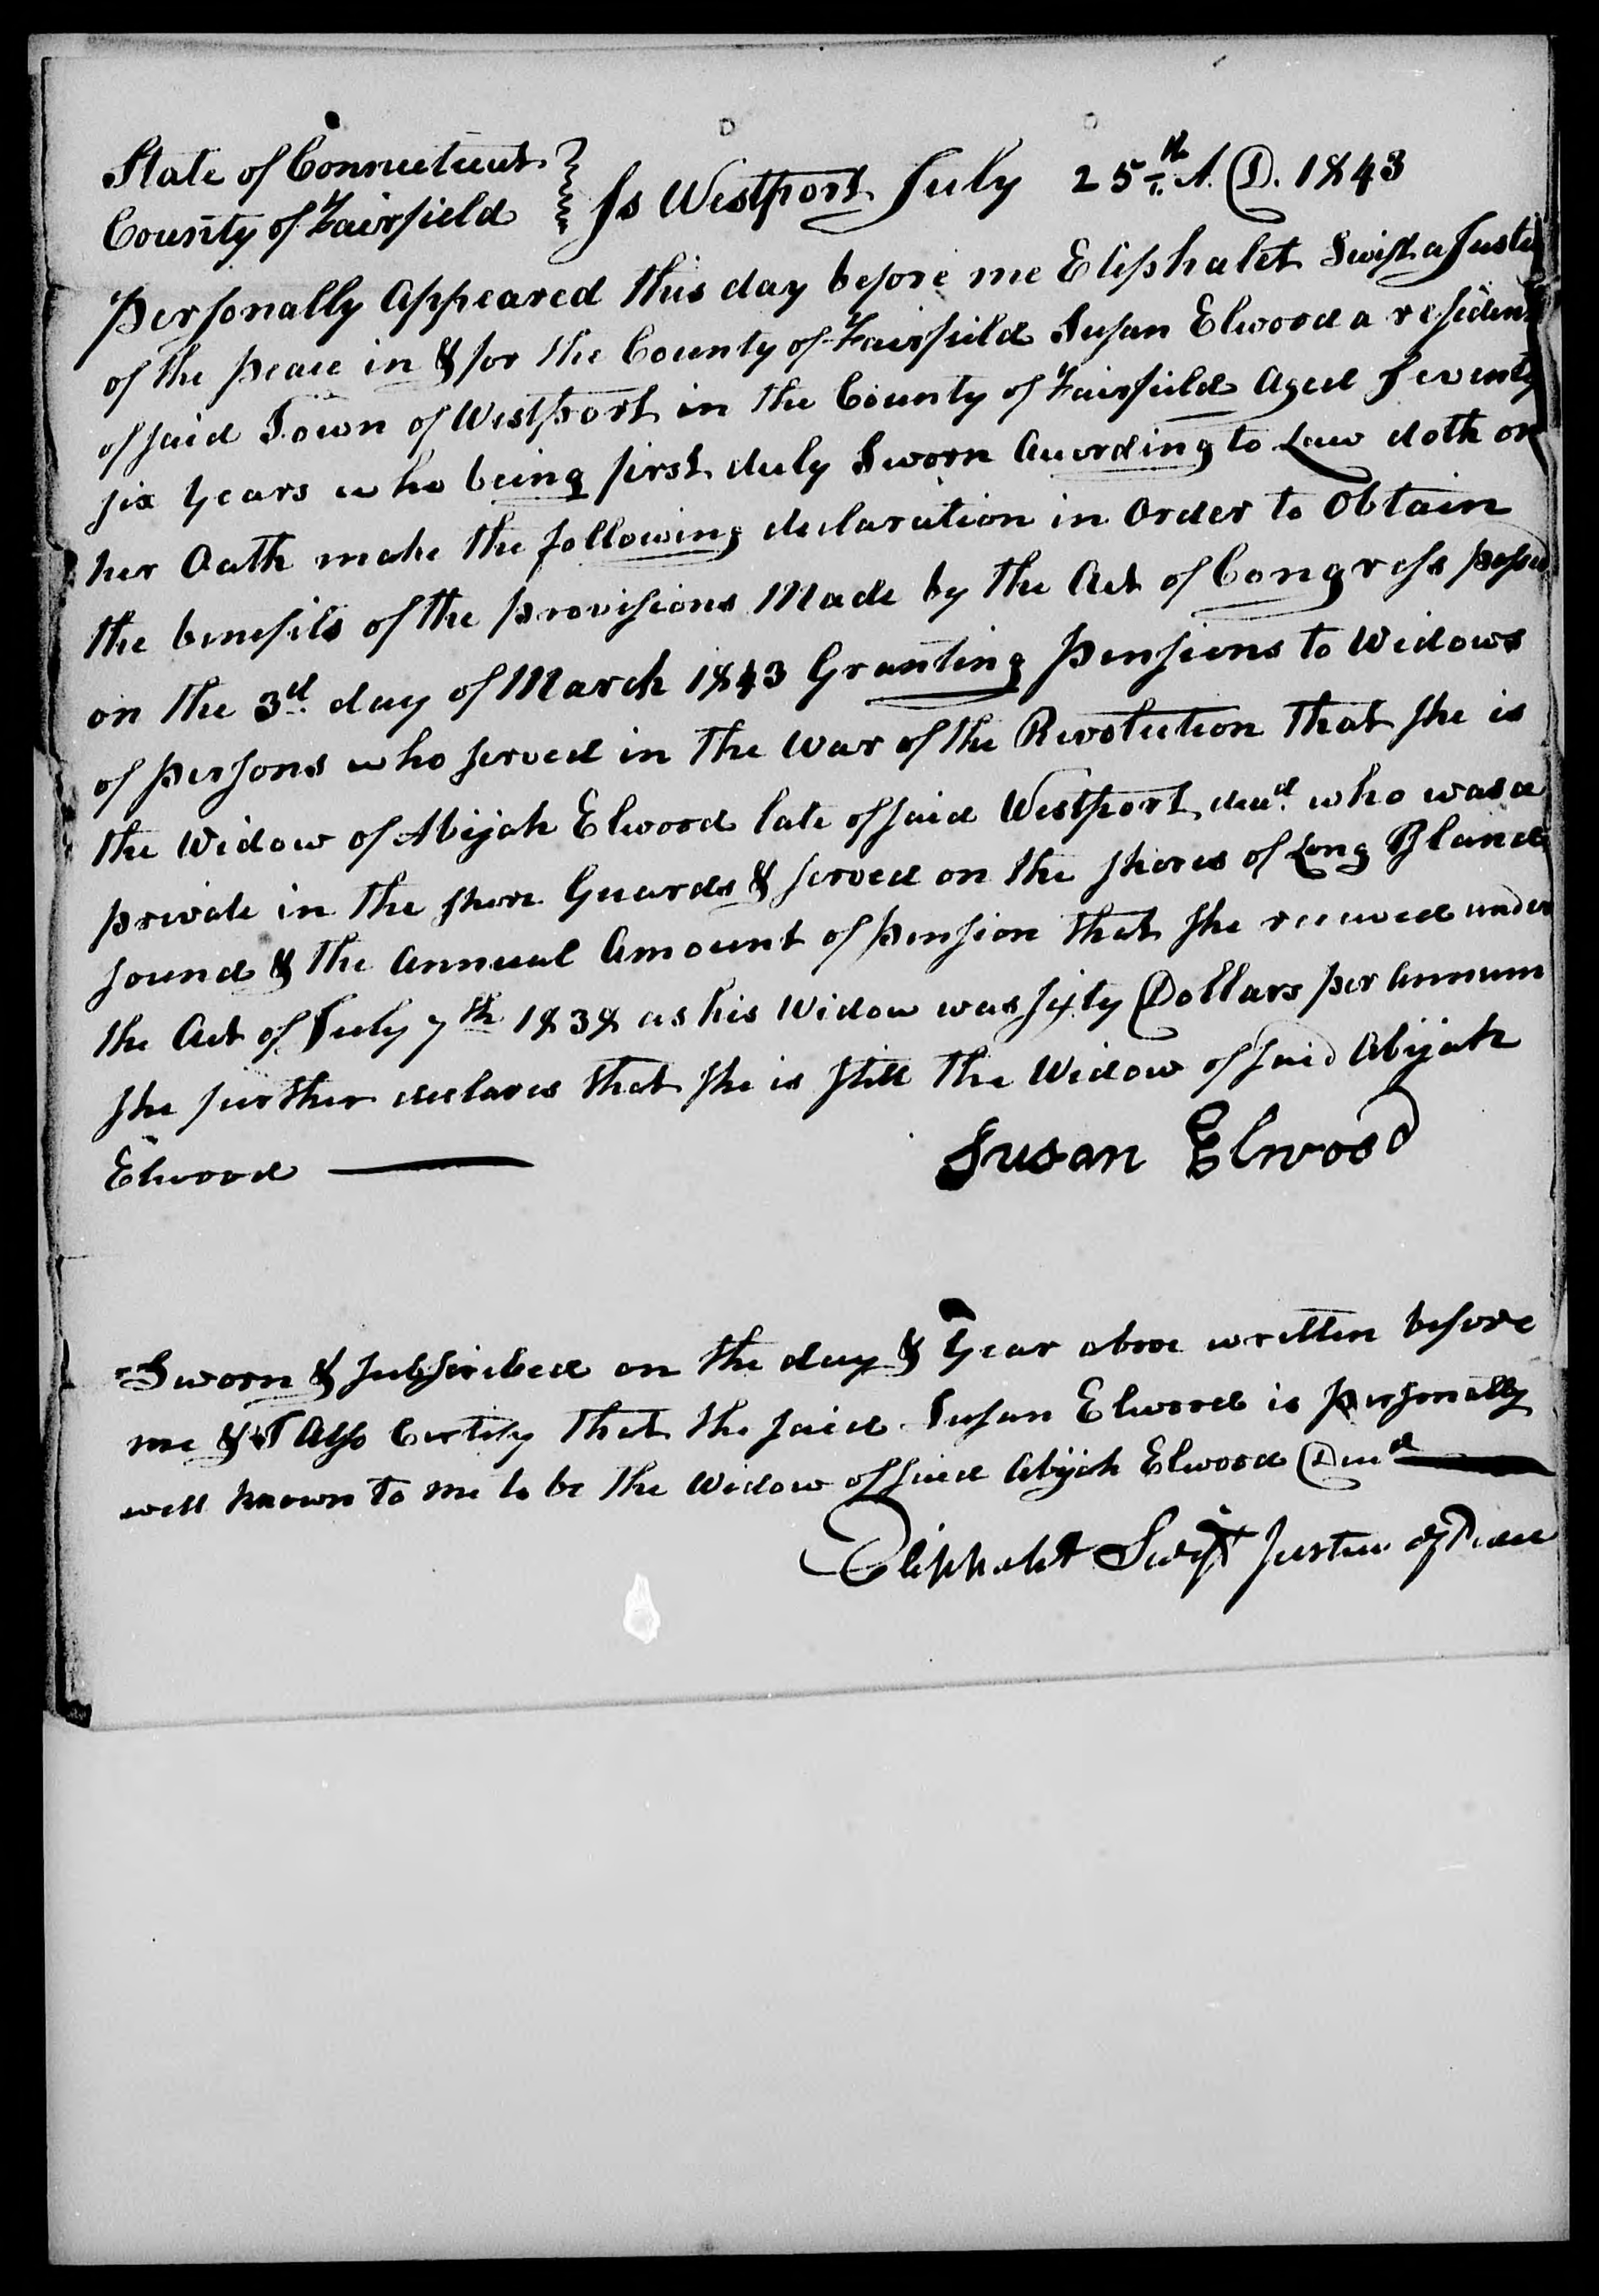Stateof Connecticut
County of Fairfield} ss

Westport July 25th A.D. 18436 personally appeared this day before me Eliphalet Swift a Justice of the Pease in & for the County of Fairfield Susan Elwood a resident of said Town of Westport in the County of Fairfield aged seventy six years who being first duly sworn according to law doth on her oath make the following declaration in order to obtain the benefits of the provisions made by the act of Congress papers on the 3d day of March 1843 granting pensions to widows of persons who served in the war of Revolution that she is the widow of Abijah Elwood late of said Westport, dec'd, who was a private in the shore guards & served on the shores of Long Island Sound & the annual amount of pension that she received under the act of July 7th 1839 as his widow was fifty dollars per annum. She further declares that she is still the widow of Abijah Elwood. 

Susan Elwood

Sworn & subscribed on the day & year above written before me & also certify that the said Susan Elwood is personally well know to be the widow of said Abijah Elwood dec'd.

Eliphalet Swift Justice of Peace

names: Susan Elwood, Eliphalet Swift, Susan Elwood, Susan Elwood, Abijah Elwood, Abijah Elwood, Eliphalet Swift, Abijah Elwood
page: 54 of 69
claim: widow's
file: W. 25562, Abijah Elwood, Conn.